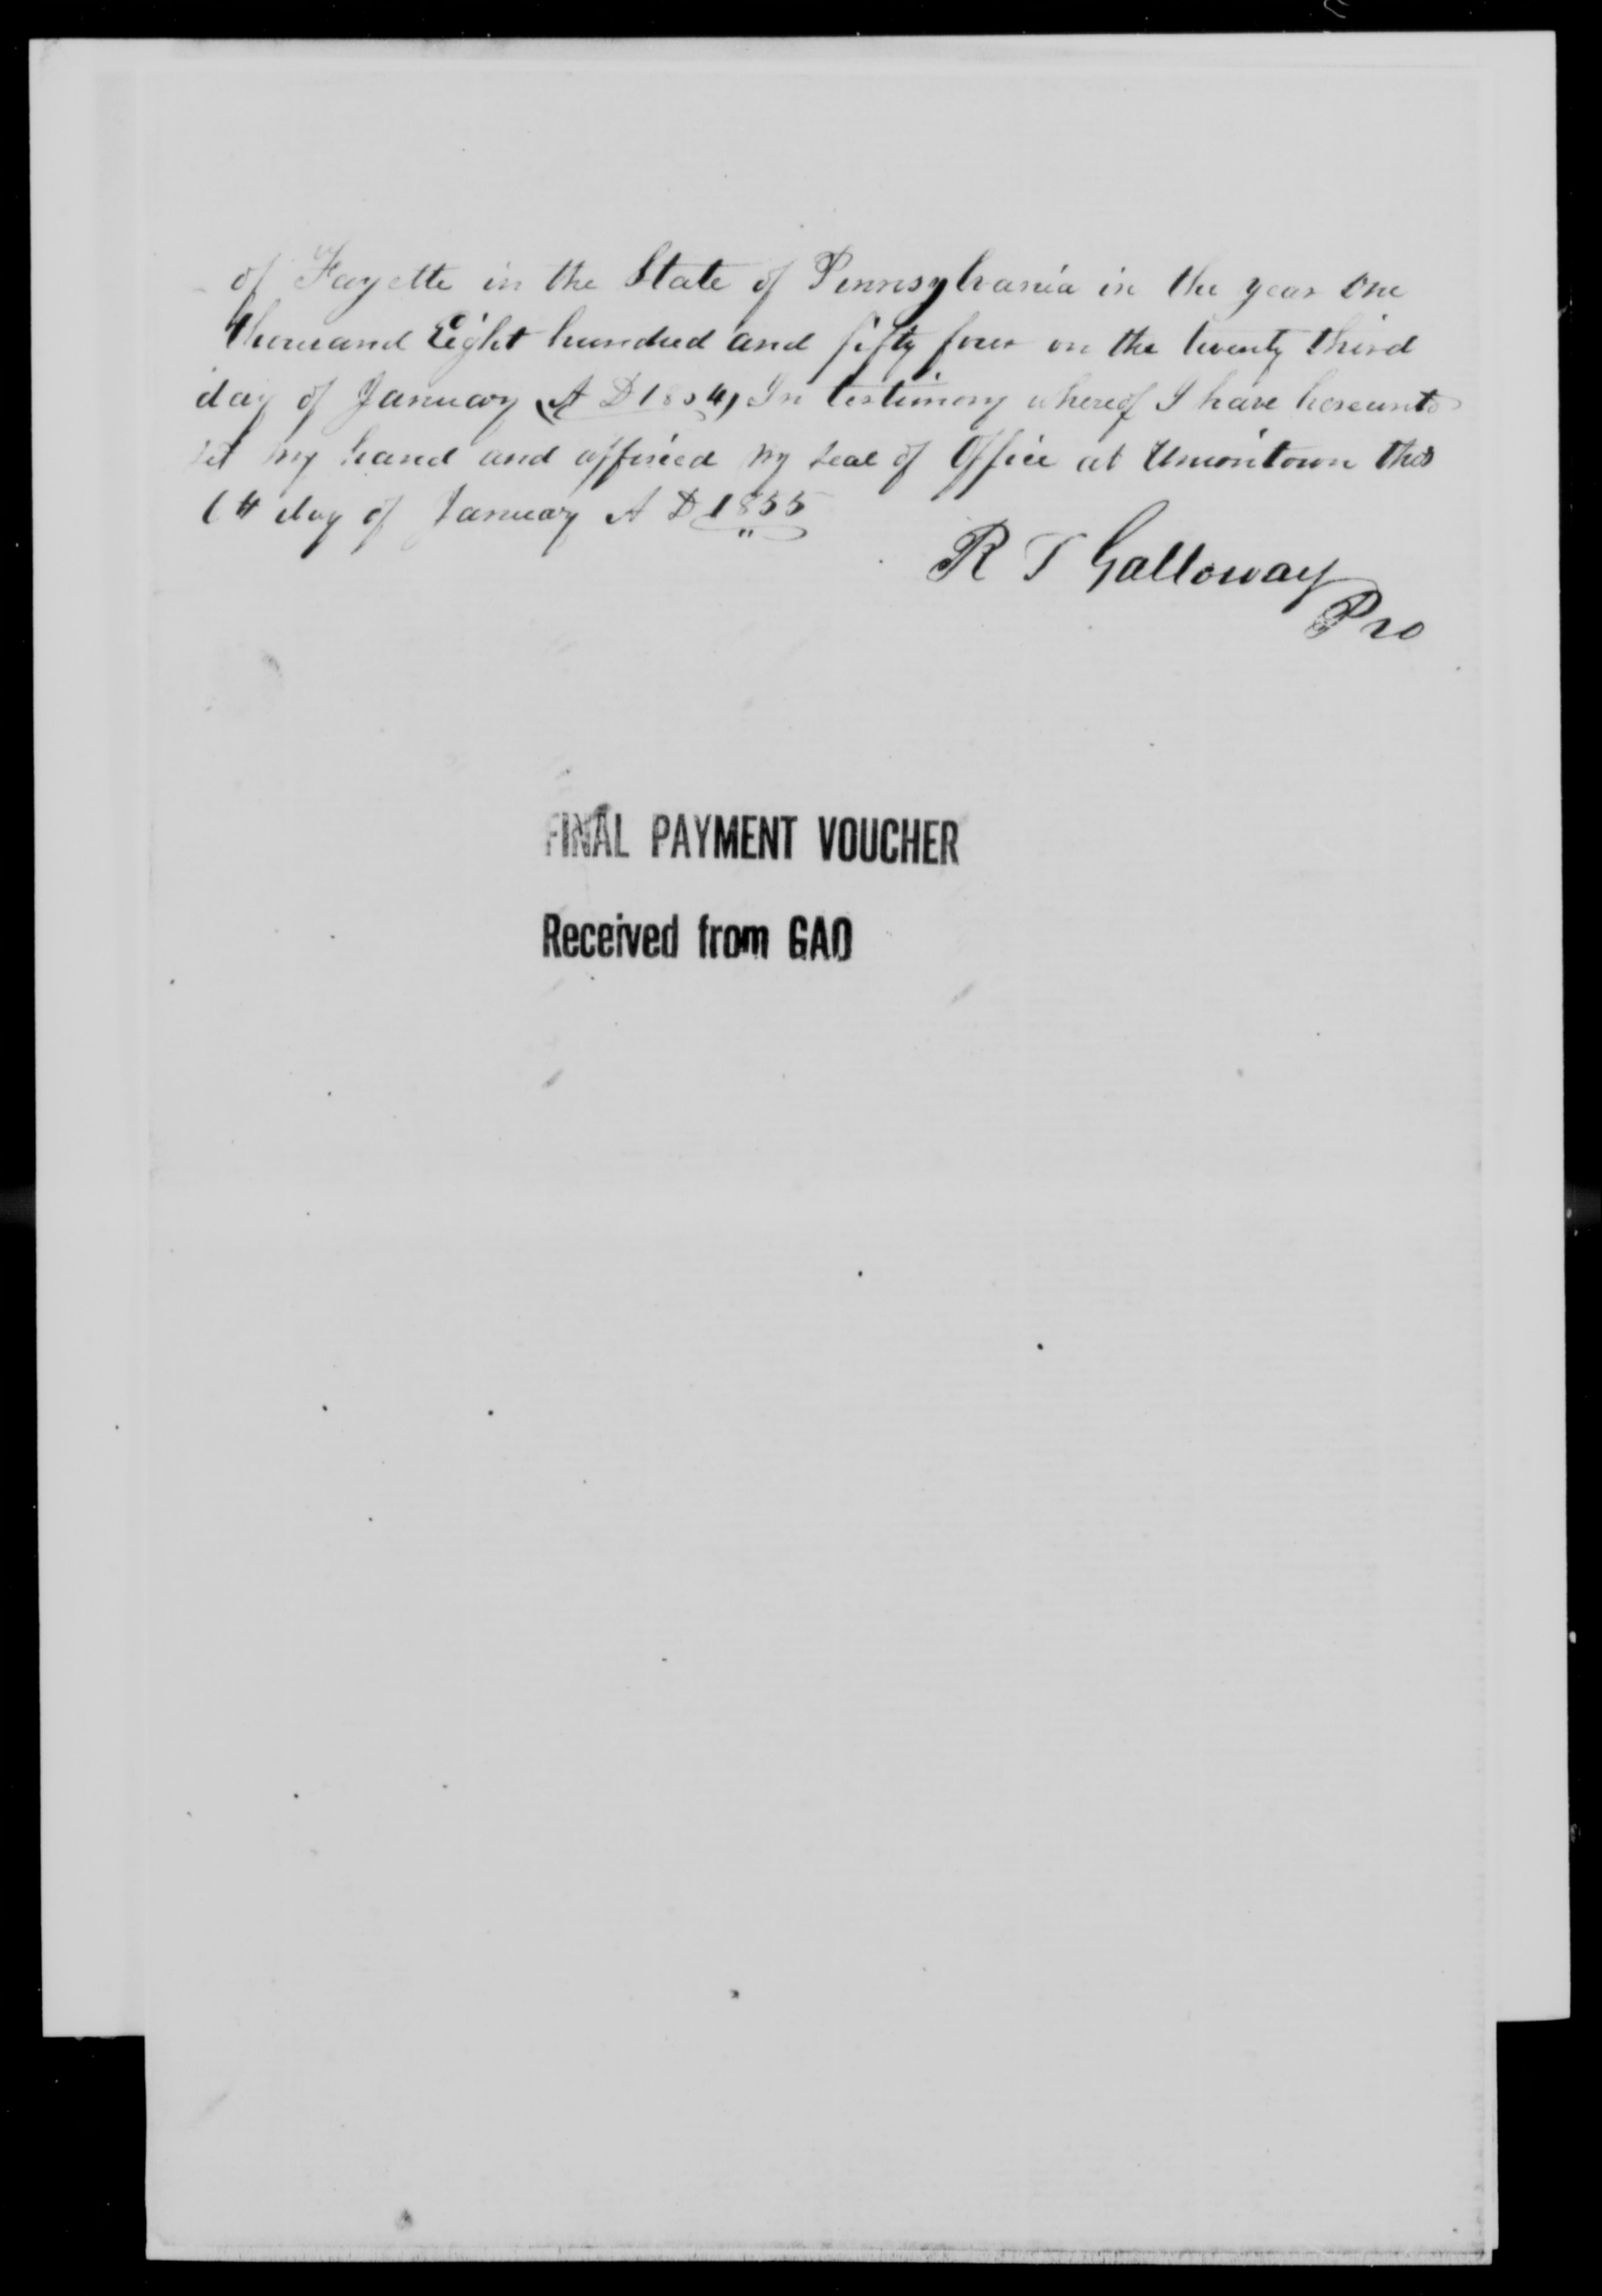of Fayette in the State of Pennsylvania in the year one thousand eight hundred and fifty four on the twenty third day of January AD 1854 In testimony whereof I have hereunto set by hand and affixed my seal of Office at Uniontown this 6th day of January AD 1855

RT Galloway 
Pro

[The following appears to be rubber stamped]
Final payment voucher
Received from GAO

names: R T Galloway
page: 14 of 73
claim: widow's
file: W. 3197, for Peter Stillwagon, New Jersey